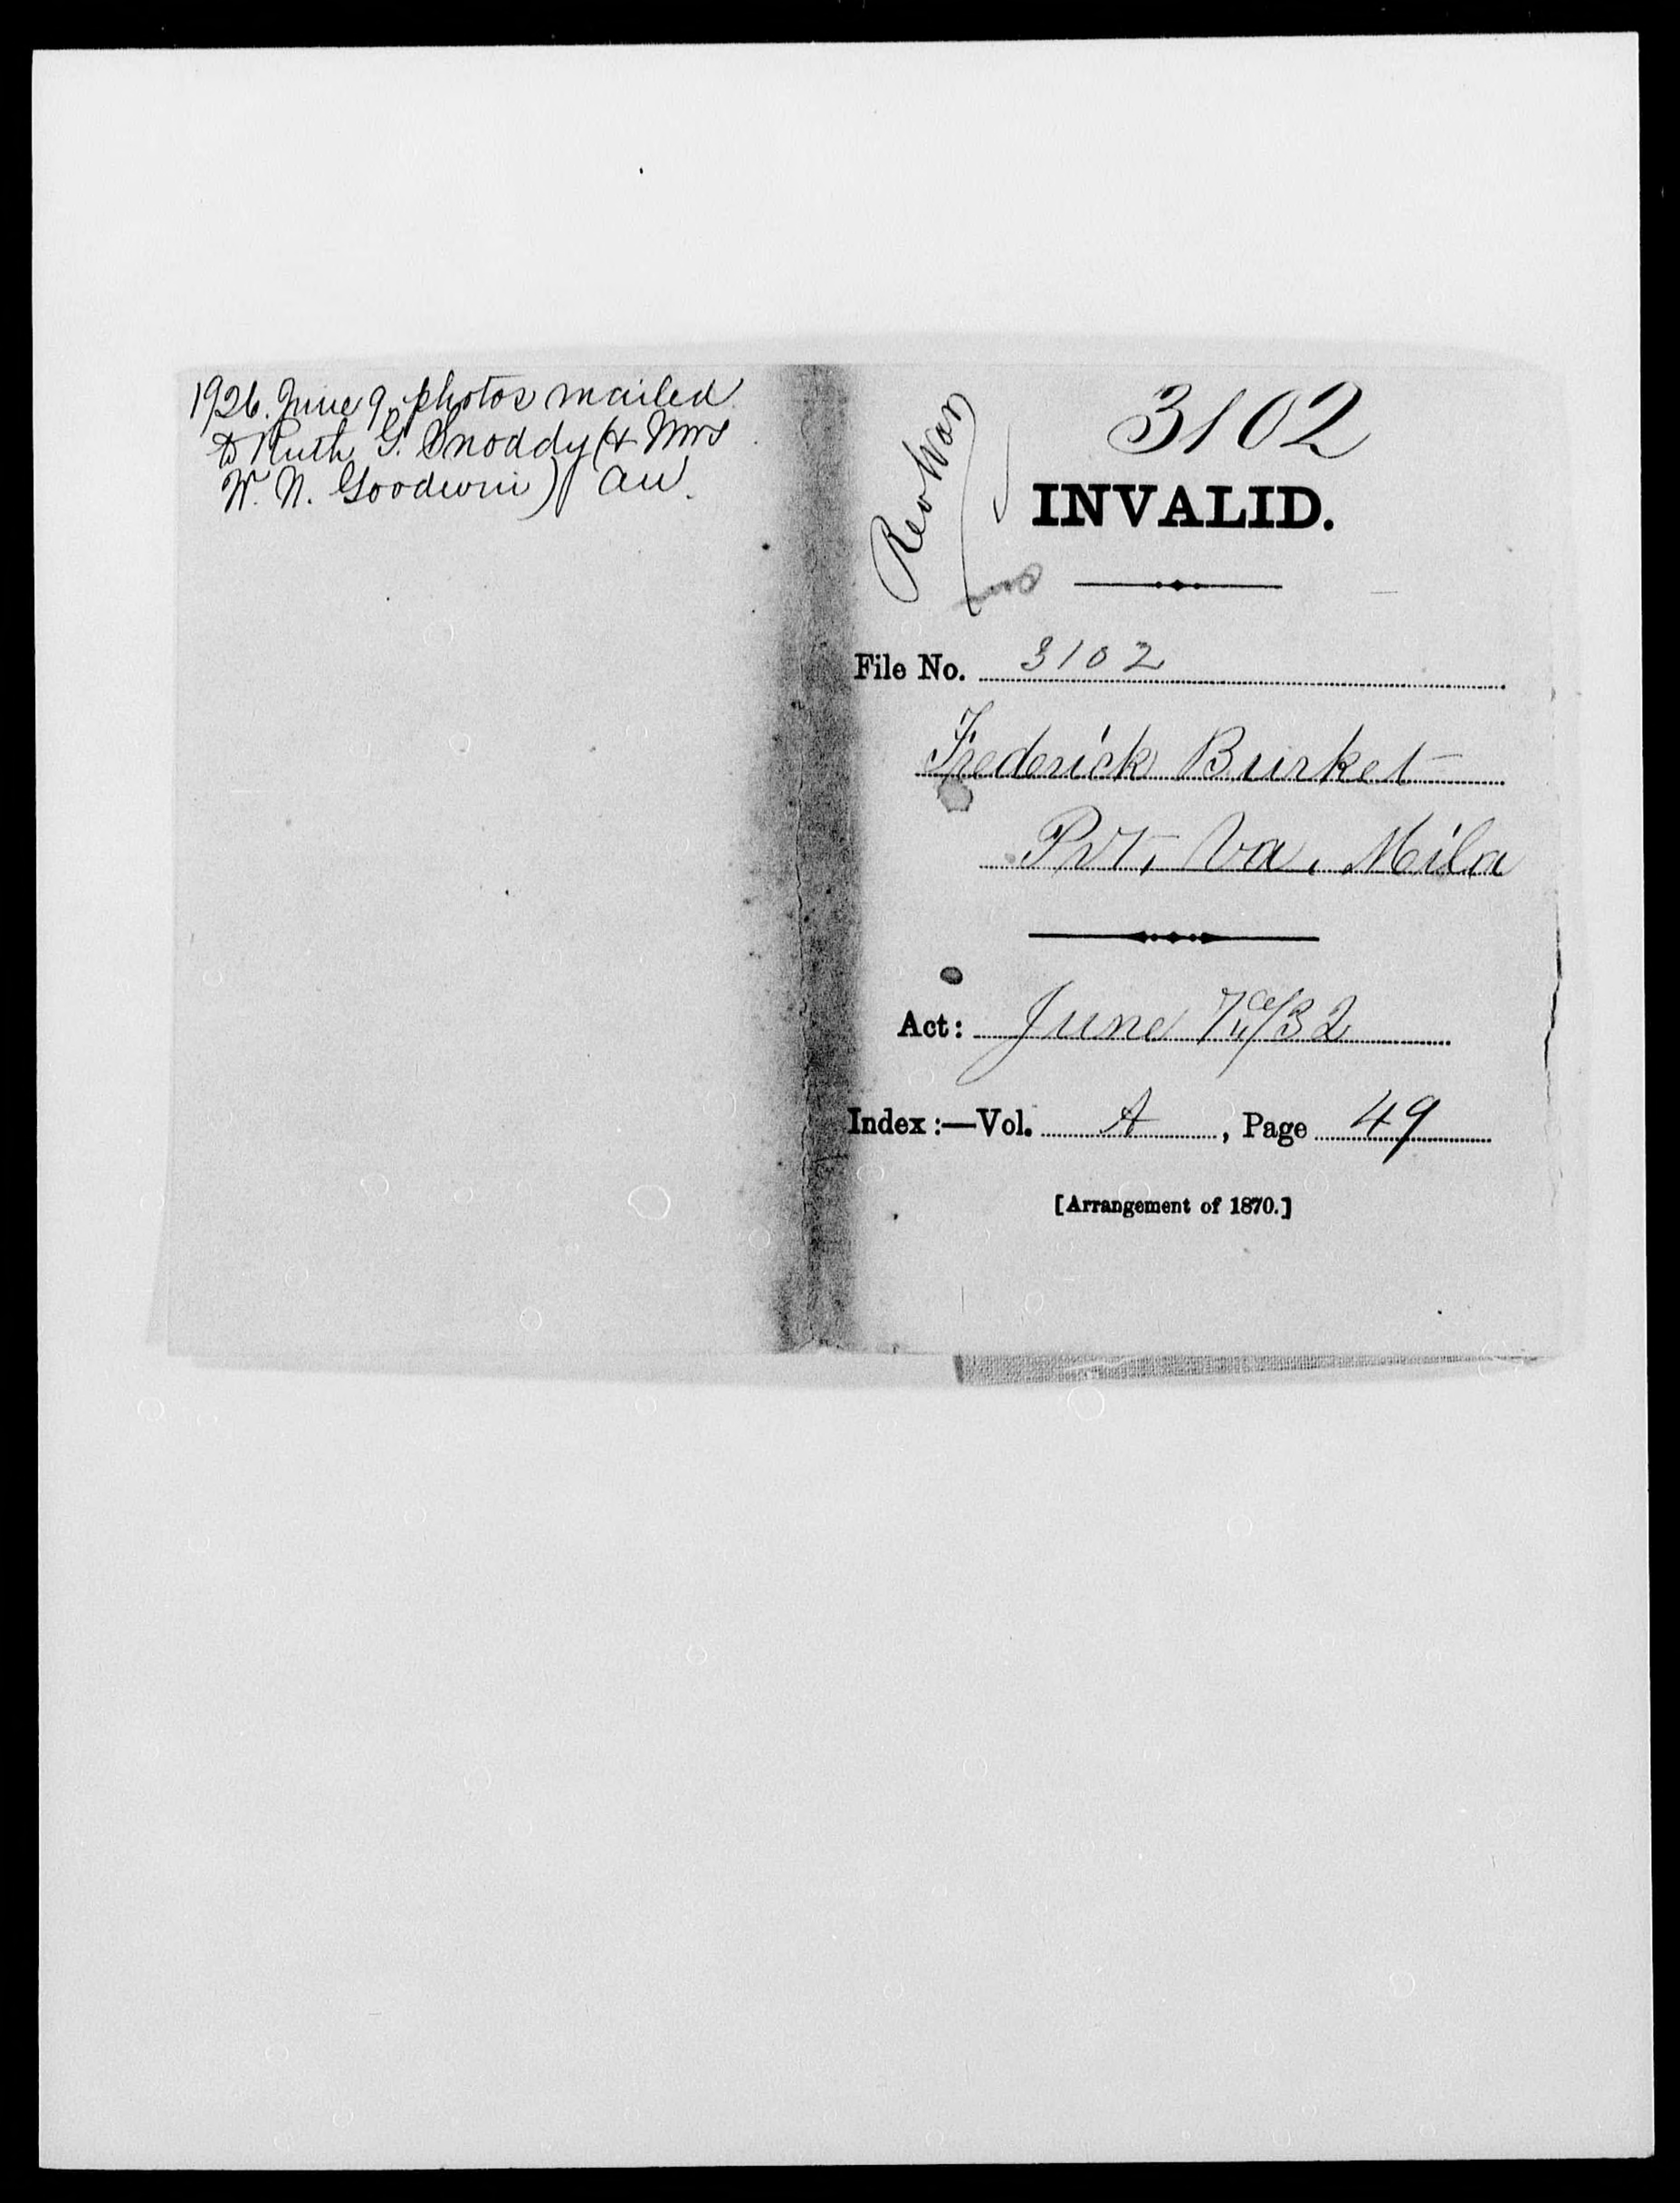(handwritten- left side)
1926 June 9 photos mailed to Ruth G. Snoddy (& Mrs. W. N. Goodwin) AW


(Right side)
Rev War
3102
INVALID.

File No. 3102
Frederick Burket
Pvt. Va. Mila

Act: June 7th 1832
Index: - Vol. A, Page 49
[Arrangement of 1870]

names: Ruth G Snoddy, W N Goodwin, Frederick Burket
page: 36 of 47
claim: survivor's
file: S. 3102, Frederick Burket, Va.